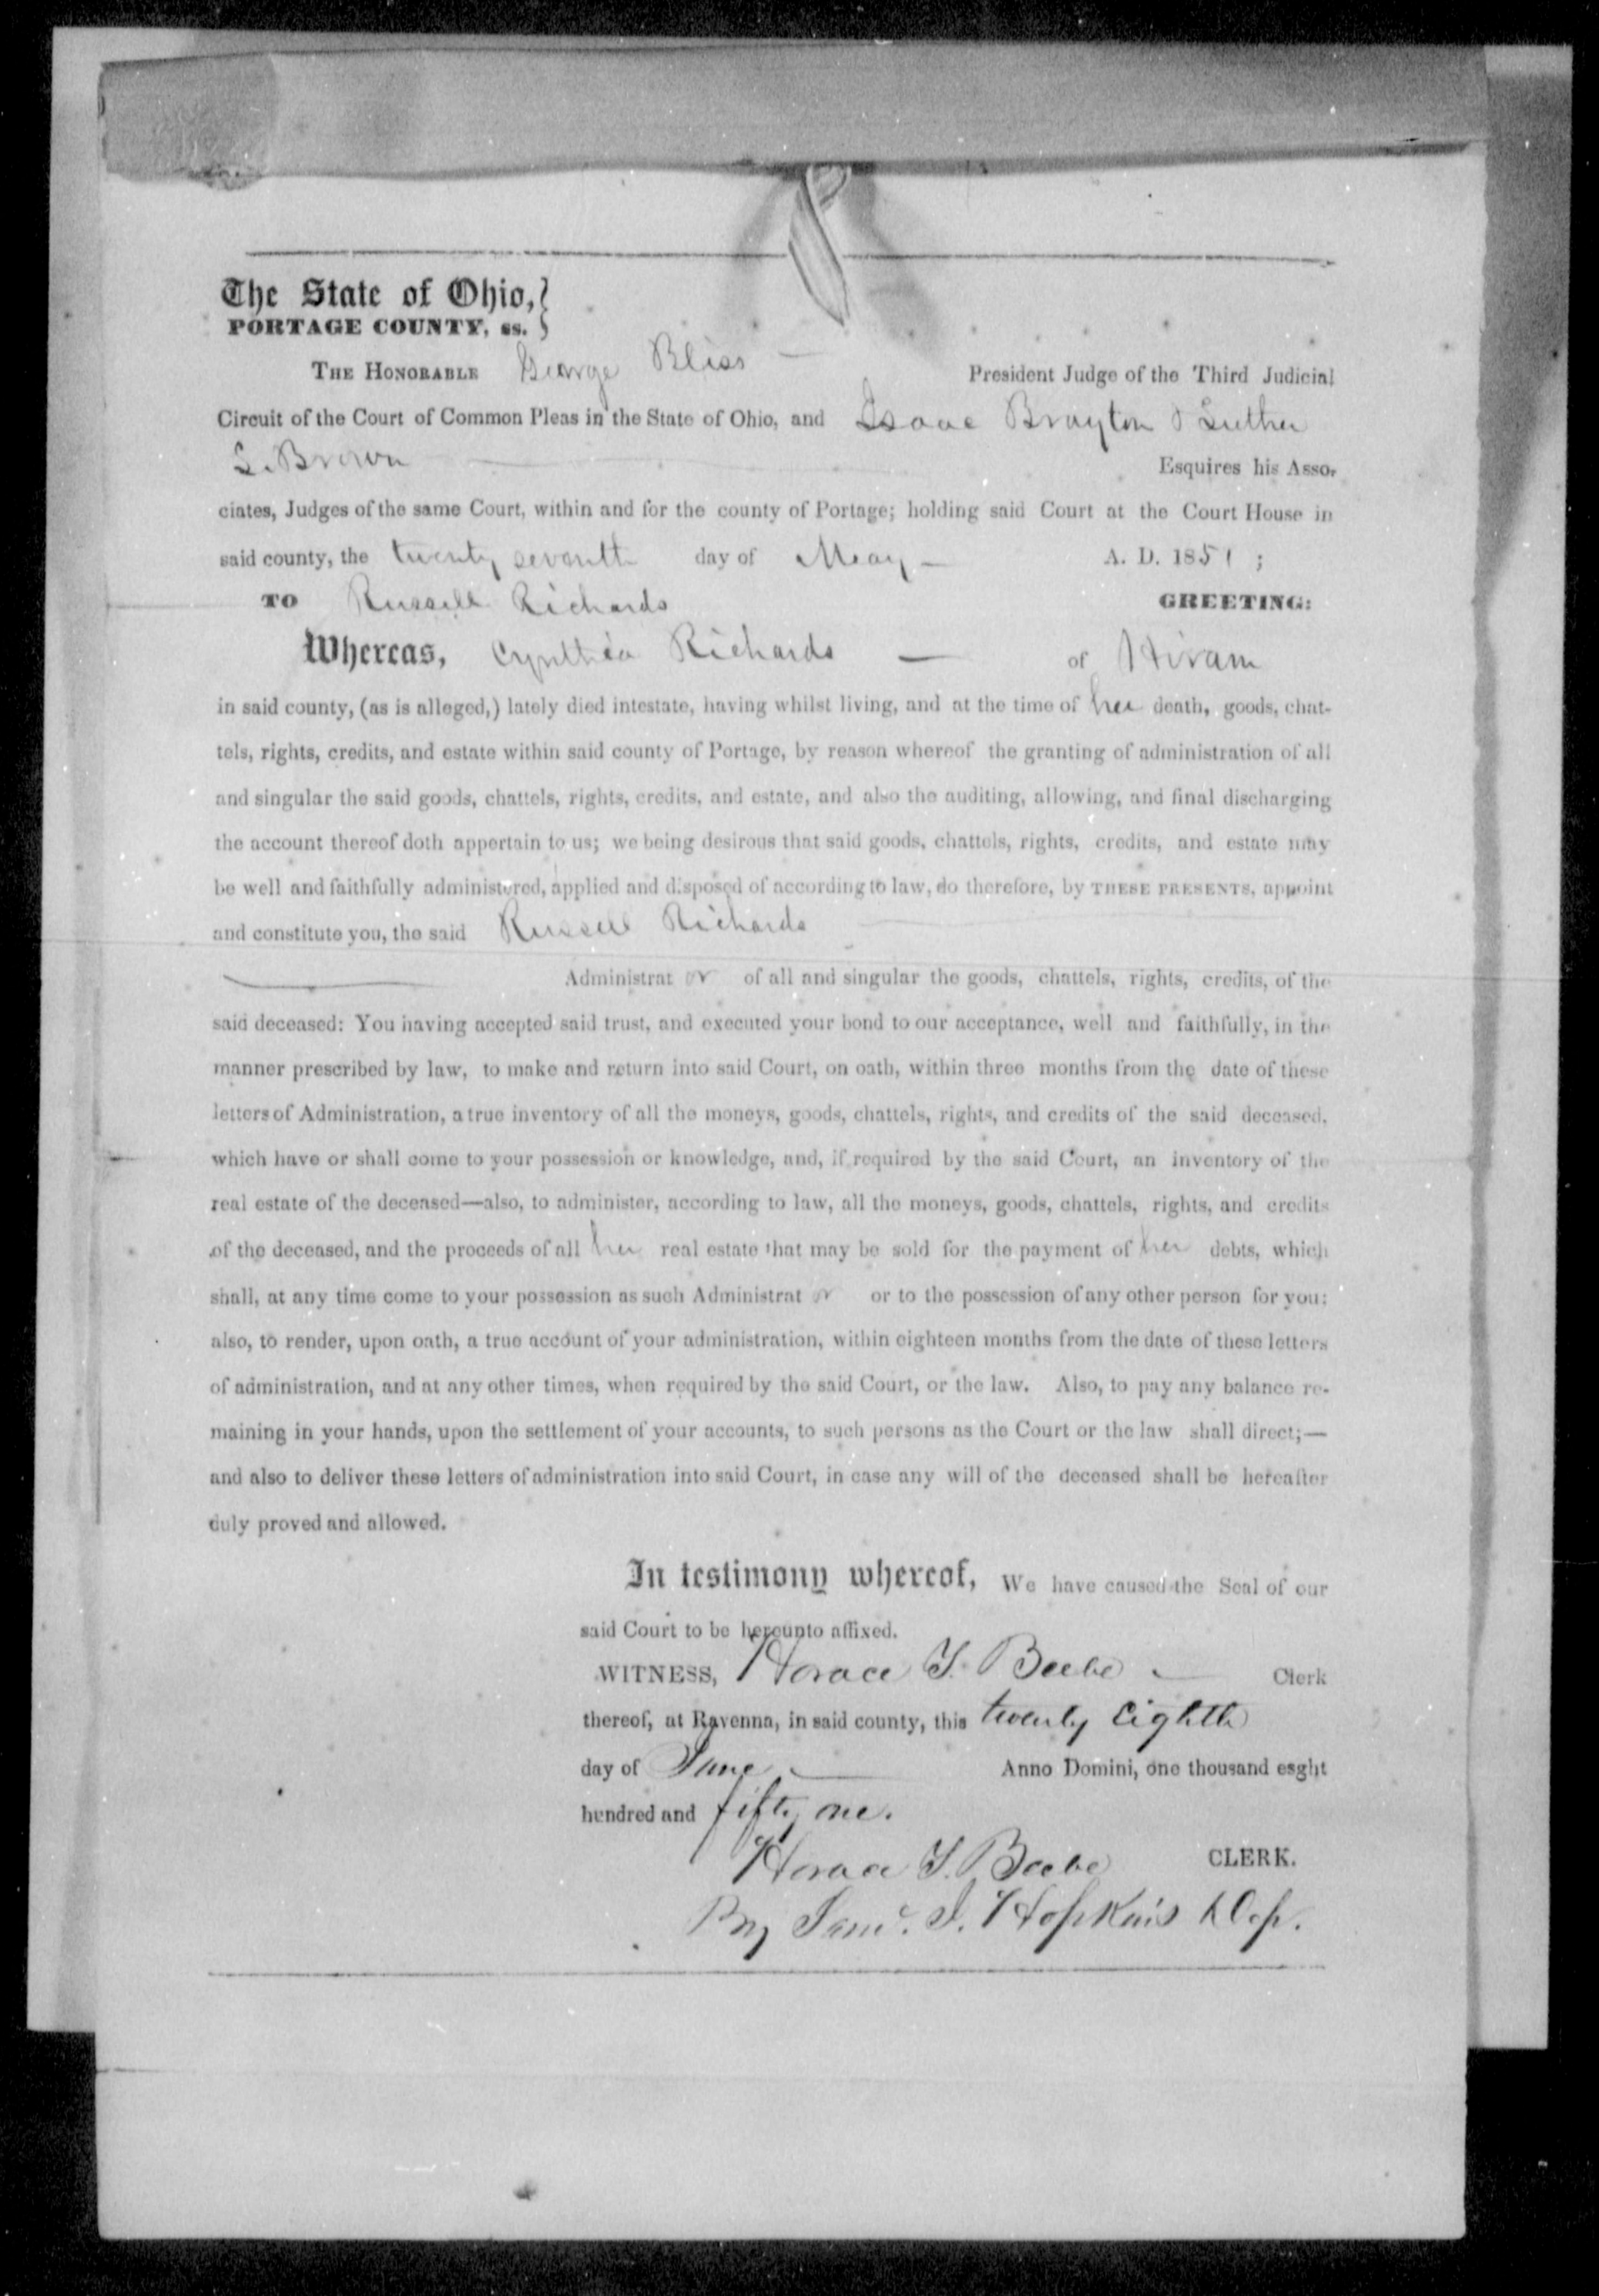The State of Ohio,
PORTAGE COUNTY, ss.}
THE HONORABLE George Bliss President Judge of the Third Judicial Circuit of the Court of Common Pleas in the State of Ohio, and Isaac Brayton & Luther Brown Esquires his Associates, Judges of the same Court, within and for the county of Portage; holding said Court at the Court House in said county, the twenty seventh day of May A. D. 1851;
TO Russell Richards GREETING:
Whereas, Cynthia Richards of Hiram
in said county, (as is alleged,) lately died intestate, having whilst living, and at the time of her death, goods, chattels, rights, credits, and estate within said county of Portage, by reason whereof the granting of administration of all and singular the said goods, chattels, rights, credits, and estate, and also the auditing, allowing, and final discharging the account thereof doth appertain to us; we being desirous that said goods, chattels, rights, credits, and estate may be well and faithfully administered, applied and disposed of according to law, do therefore, by THESE PRESENTS, appoint and constitute you, the said Russell Richards Administrator of all and singular the goods, chattels, rights, credits of the said deceased: You having accepted said trust, and executed your bond to our acceptance, well and faithfully, in the manner prescribed by law, to make and return into said Court, on oath, within three months from the date of these letters of Administration, a true inventory of all the moneys, goods, chattels, rights, and credits of the said deceased, which have or shall come to your possession or knowledge, and, if required by the said Court, an inventory of the real estate of the deceased -- also, to administer, according to law, all the moneys, goods, chattels, rights, and credits of the deceased, and the proceeds of all her real estate that may be sold for the payment of her debts, which shall, at any time come to your possession as such Administrator or to the possession of any other person for you; also, to render, upon oath, a true account of your administration, within eighteen months from the date of these letters of administration, and at any other times, when required by the said Court, or the law. Also, to pay any balance remaining
in your hands, upon the settlement of your accounts, to such persons as the Court or the law shall direct; -- and also to deliver these letters of administration into said Court, in case any will of the deceased shall be hereafter duly proved and allowed.
In testimony whereof, We have caused the Seal of our said Court to be hereunto affixed.
WITNESS, Horace T. Beebe Clerk
thereof, at Ravenna, in said county, this twenty eighth day of June Anno Domini, one thousand eight hundred and fifty one.
Horace T. Beebe CLERK.
By Saml [SAMUEL] J. Hopkins Dep. [DEPUTY]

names: Horace T Beebe; Russell Richards; Russell Richards; Luther L Brown; Cynthia Richards; Saml J Hopkins; Horace T Beebe; Isaac Brayton; George Bliss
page: 70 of 109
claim: widow's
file: W. 5709, for Thomas Richards, New Hampshire